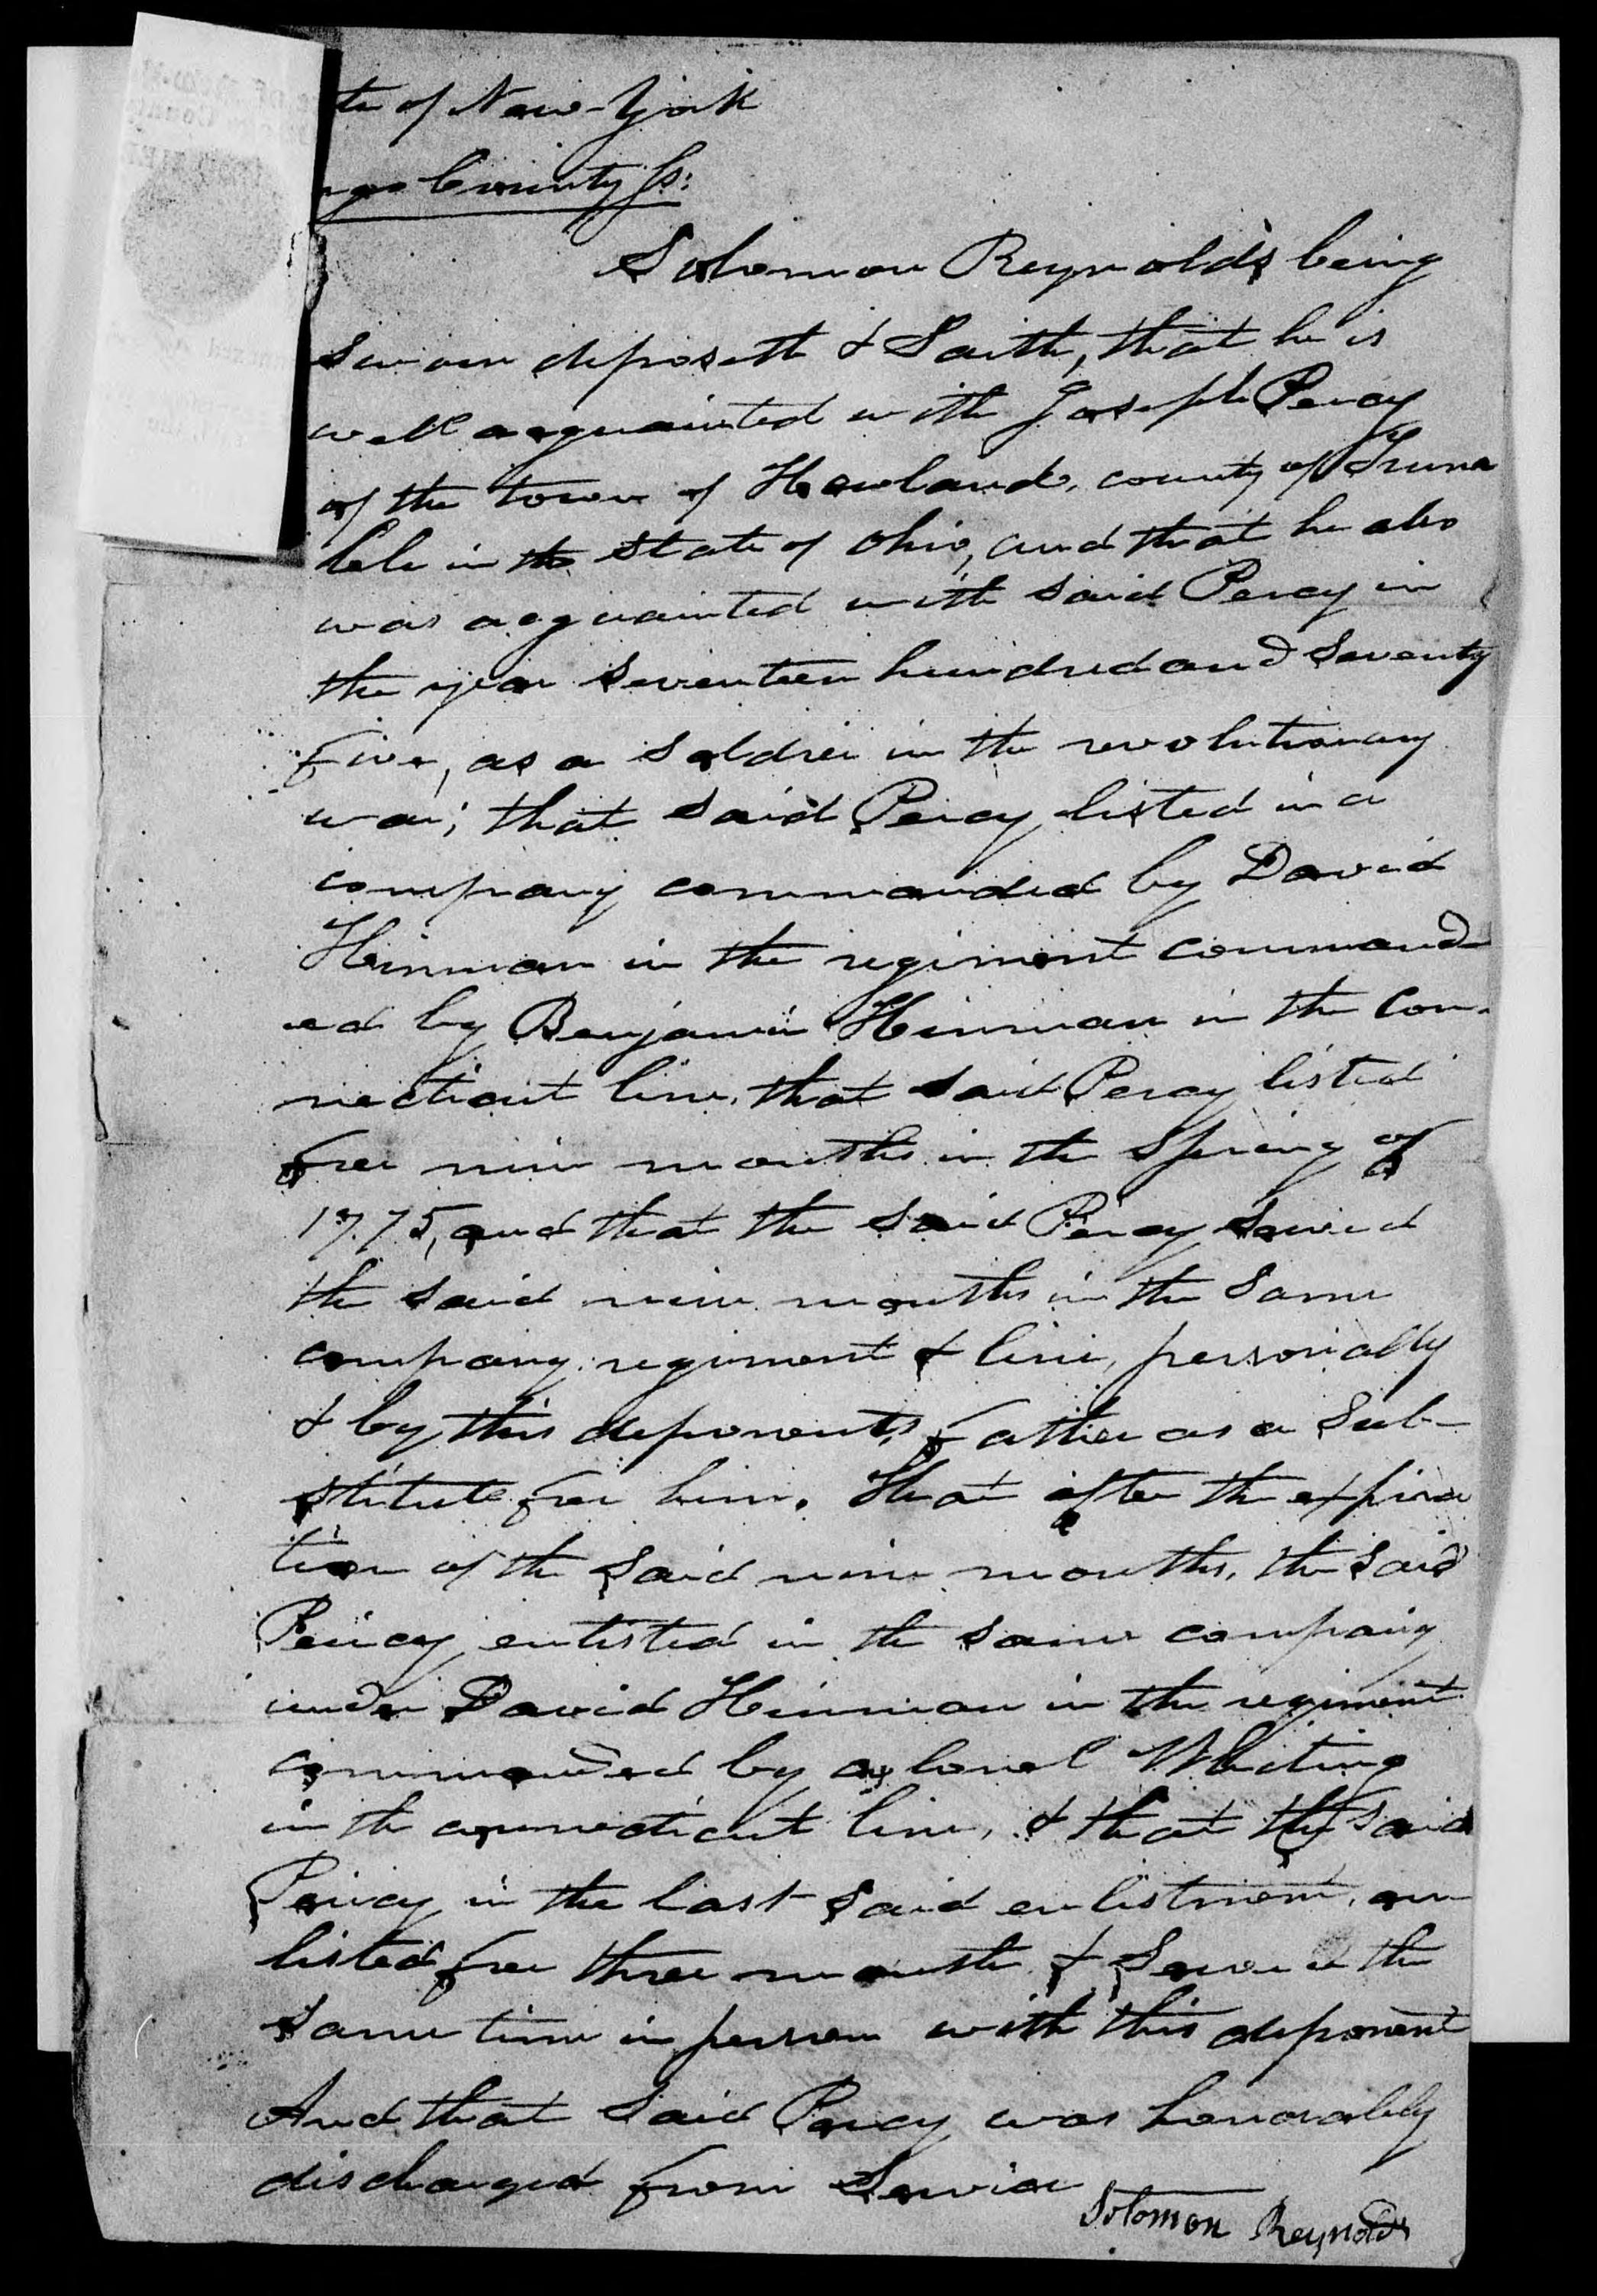State of New York
Otsego County :

          Solomon Reynolds being sworn deposeth & Saith that he is well acquainted with Joseph Percy of the town of Howland, county of Trumbull in the State of Ohio, and that he also was acquainted with said Percy in the year Seventeen hundred and Seventy Five, as a Soldier in the revolutionary war; that Said Percy listed in a company commanded by David Hinman in the regiment commanded by Benjamin Hinman in the Connecticut line that Said Percy listed for nine months in the Spring of 1775, and that the said Percy served the said nine months in the same company regiment & line personally and by this deponent & others as a substitute for him.  That after the expiration of the Said nine months, the said Percy enlisted in the same company under David Hinman in the regiment commanded by Colonel Whiting in the connecticut line & that the said Percy in the last said enlistment enlisted for three months & Served the same time in person with this deponent And that Said Percy was personally discharged from Service.
                                Solomon Reynolds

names: Joseph Percy; Solomon Reynolds; Benjamin Hinman; [BLANK] Whiting; David Hinman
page: 14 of 20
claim: rejected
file: R. 17029, for Joseph Percy, Connecticut